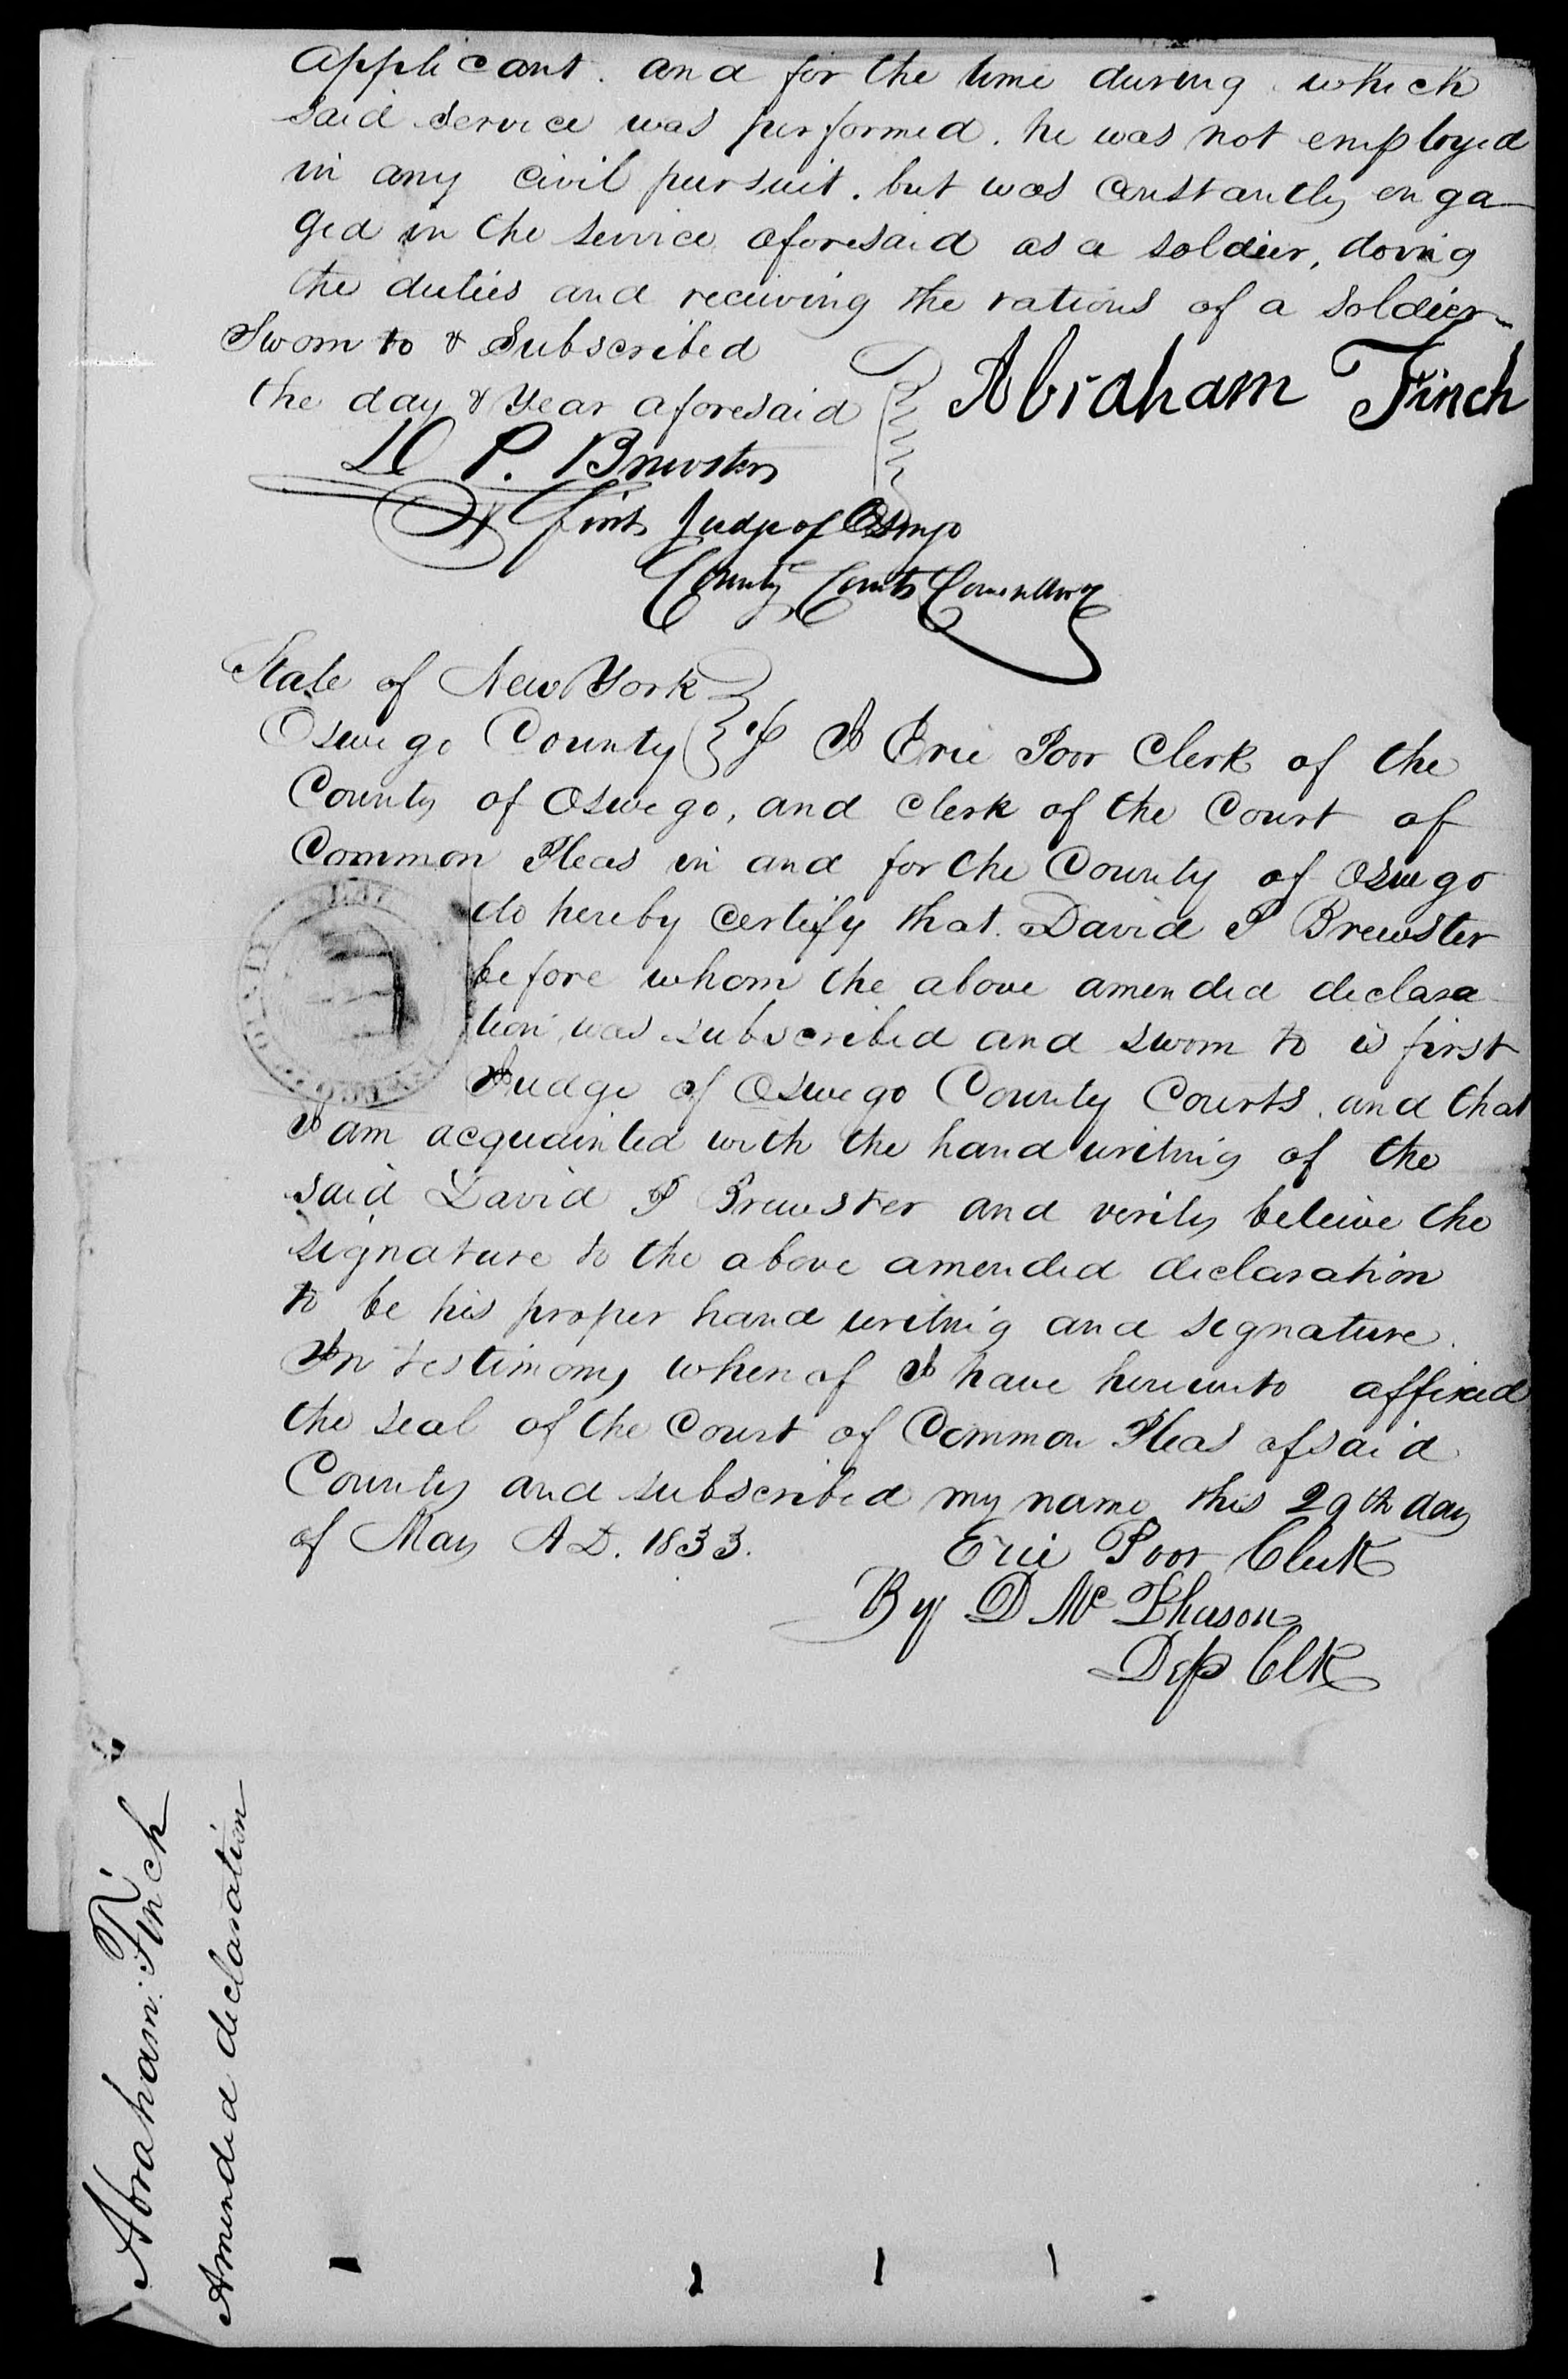applicant and for the time during which
said service was performed, he was not employed in any civil pursuit, but was constantly engaged in the service aforesaid as a soldier, doing the duties and receiving the rations of a soldier
Sworn to & Subscribed
the day & year aforesaid 
Abraham Finch
D.P. Brewster
First Judge of Oswego
County Court [ill]

State of New York
Oswego County
ss
I Eric Poor Clerk of the County of Oswego, and Clerk of the Court of Common Pleas in and for the County of Oswego do hereby certify that David P Brewster before whom the above amended declaration was subscribed and sworn to is first Judge of Oswego County Courts, and that I am acquainted with the hand writing of the said David P Brewster and verily believe the signature to the above amended declaration to be his proper hand writing and signature.
In testimony whereof I have hereunto affixed
the seal of the Court of Common Pleas of said
County and subscribed my name this 29th day 
of May AD. 1833.
Eric Poor Clerk
By D McPherson
Dep Clk

Abraham Finch
Amended declaration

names: D P Brewster, Abraham Finch, D Mc Pherson, Abraham Finch, David P Brewster, David P Brewster, Eric Poor, Eric Poor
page: 21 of 35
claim: survivor's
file: S. 28727, Abraham Finch, Conn.